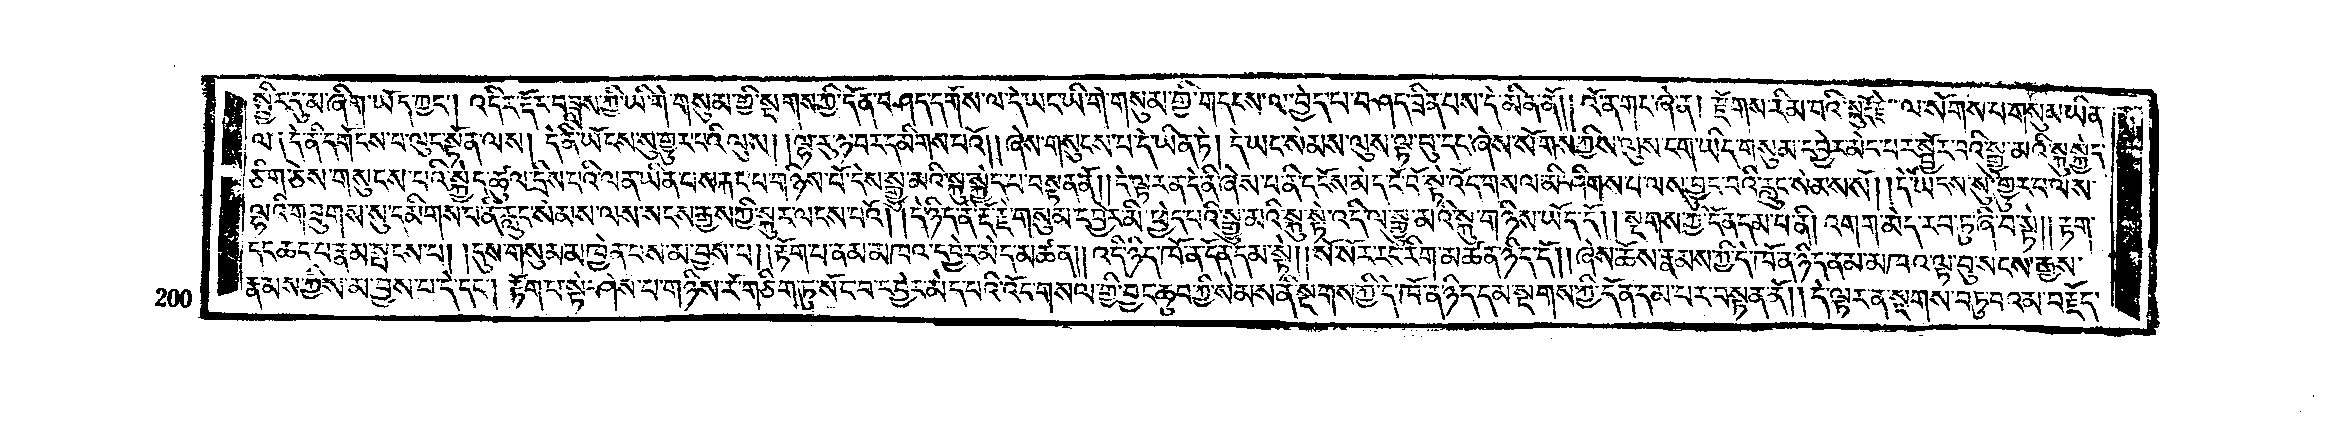སྤྱིར་དུ་མ་ཞིག་ཡོད་ཀྱང་། འདིར་རྡོར་བཟླས་ཀྱི་ཡི་གེ་གསུམ་གྱི་སྔགས་ཀྱི་དོན་བཤད་དགོས་ལ་དེ་ཡང་ཡི་གེ་གསུམ་གྱི་གདངས་ལ་བྱེད་པ་བཤད་ཟིན་པས་དེ་མིན་ནོ། །འོ་ན་གང་ཞེ་ན། རྫོགས་རིམ་པའི་སྐུ་རྡོ་རྗེ་ལ་སོགས་པ་གསུམ་ཡིན་
ལ༑ དེ་ནི་དགོངས་པ་ལུང་སྟོན་ལས། དེ་ནི་ཡོངས་སུ་གྱུར་པའི་ལུས། །ལྷ་རུ་ཉེ་བར་དམིགས་པའོ། །ཞེས་གསུངས་པ་དེ་ཡིན་ཏེ། དེ་ཡང་སེམས་ལུས་ལྟ་བུ་དང་ཞེས་སོགས་ཀྱིས་ལུས་ངག་ཡིད་གསུམ་དབྱེར་མེད་པར་སྦྱོར་བའི་སྒྱུ་མའི་སྐུ་སྐྱེད་
ཅིག་ཅེས་གསུངས་པའི་སྐྱེད་ཚུལ་དྲིས་པའི་ལན་ཡིན་པས་རྐང་པ་གཉིས་པོ་དེས་སྒྱུ་མའི་སྐུ་སྐྱེད་པ་བསྟན་ནོ། །དེ་ལྟར་ན་དེ་ནི་ཞེས་པ་ནི་དངོས་མེད་ངོ་བོ་སྟེ་འོད་གསལ་མི་ཤིགས་པ་ལས་བྱུང་བའི་རླུང་སེམས་སོ། །དེ་ཡོངས་སུ་གྱུར་པ་ལས་
ལྷའི་གཟུགས་སུ་དམིགས་པ་ནི་རླུང་སེམས་ལས་སངས་རྒྱས་ཀྱི་སྐུར་ལངས་པའོ། །དེ་ཉིད་ནི་རྡོ་རྗེ་གསུམ་དབྱེར་མི་ཕྱེད་པའི་སྒྱུ་མའི་སྐུ་སྟེ་འདི་ལ་སྒྱུ་མའི་སྐུ་གཉིས་ཡོད་དོ། །སྔགས་ཀྱི་དོན་དམ་པ་ནི། འགག་མེད་རབ་ཏུ་ཞི་བ་སྟེ། །རྟག་
དང་ཆང་པ་རྣམ་སྤངས་པ། །དུས་གསུམ་མཁྱེན་པས་མ་བྱས་པ། །རྟོག་པ་ནམ་མཁའ་དབྱེར་མེད་མཚན། །འདི་ཉིད་ཁོ་ན་དོན་དམ་སྟེ། །སོ་སོར་རང་རིག་མཚན་ཉིད་དོ། །ཞེས་ཆོས་རྣམས་ཀྱི་དེ་ཁོ་ན་ཉིད་ནམ་མཁའ་ལྟ་བུ་སངས་རྒྱས་
རྣམས་ཀྱིས་མ་བྱས་པ་དེ་དང་། རྟོག་པ་སྟེ་ཤེས་པ་གཉིས་རོ་གཅིག་ཏུ་སོང་བ་དབྱེར་མེད་པའི་འོད་གསལ་གྱི་བྱང་ཆུབ་ཀྱི་སེམས་ནི་སྔགས་ཀྱི་དེ་ཁོ་ན་ཉིད་དམ་སྔགས་ཀྱི་དོན་དམ་པར་བསྟན་ནོ། །དེ་ལྟར་ན་སྔགས་བཏུ་བའམ་བརྗོད་